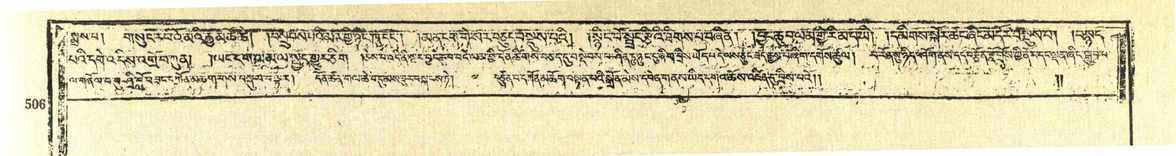སྨྲས་པ། གསུང་རབ་འོ་མའི་རྒྱ་མཚོ་ཚེ། །བསྲུབས་པའི་མར་གྱི་ཉུང་ཁུ་དང་། །མན་ངག་གི་སར་བཅུད་བསྡུས་པའི། །སྙིང་བོ་སྦྲང་རྩིའི་ཐིགས་པ་བཞིན། །བྱང་ཆུབ་ལམ་གྱི་རིམ་པ་ཡི། །དམིགས་སྐོར་ཚང་ཞིང་མདོར་བསྡུས་པ། །བསྙད་
པའི་དགེ་འདིས་འགྲོ་བ་ཀུན། །ཡང་དག་ལམ་ལ་སྤྱད་གྱུར་ཅིག །ཅེས་པ་འདི་ནི་སྔར་བྱང་ཆུབ་བདེ་ལམ་གྱི་དོན་ཚིགས་བཅད་དུ་བསྡེབས་པ་ཤིན་ཏུ་ཉུང་དུ་ཞིག་བྲིས་ཡོད་པ་དེ་ལས་ཅུང་ཟད་རྒྱས་པ་ཞིག་དགོས་ཚུལ། བ་རོན་སུ་ཉིད་ཤོག་ནས་དད་བརྩོན་བློ་གྲོས་ཀྱི་ནོར་དང་ལྡན་ཞིང་སྒྲུབ་པ་
ལ་གཞོལ་བ་ཕུ་ཤྲི་བློ་བཟང་དཀོན་མཆོག་གས་བསྐུལ་བལྟར། དོན་ཚན་གལ་ཆེ་བ་དུ་མས་ཟུར་བསྐངས་ཏེ། ༧་བཙུན་པ་དཀོན་མཆོག་བསྟན་པའི་སྒྲོན་མེས་དབེན་གནས་ཡིད་དགའ་ཆོས་འཛིན་དུ་བྲིས་པའོ།། །།